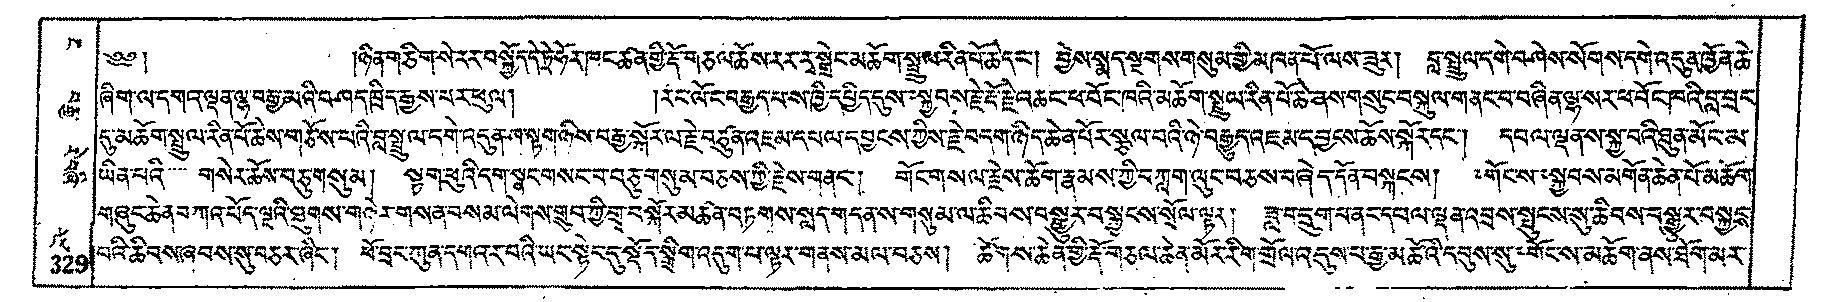༄༅། །ཉིན་གཅིག་སེ་རར་བསྐྱོད་དེ་ཏྲེ་ཧོར་ཁང་ཚན་གྱི་རྡོ་གཅལ་ཆོས་རར་རྭ་སྒྲེང་མཆོག་སྤྲུལ་རིན་པོ་ཆེ་དང་། བྱེས་སྨད་སྔགས་གསུམ་གྱི་མཁན་པོ་ལས་ཟུར། བླ་སྤྲུལ་དགེ་བཤེས་སོགས་དགེ་འདུན་ཁྱོན་ཆེ་
ཞིག་ལ་དགའ་ལྡན་ལྷ་བརྒྱ་མའི་བཤད་ཁྲིད་རྒྱས་པར་ཕུལ། །རང་ལོ་ང་བརྒྱད་པ་ས་ཁྱི་དཔྱིད་དུས ༧སྐྱབས་རྗེ་རྡོ་རྗེ་འཆང་ཕ་བོང་ཁའི་མཆོག་སྤྲུལ་རིན་པོ་ཆེ་ནས་གསུང་བསྐུལ་གནང་བ་བཞིན་ལྷ་སར་ཕ་བོང་ཁའི་བླ་བྲང་
དུ་མཆོག་སྤྲུལ་རིན་པོ་ཆེས་གཙོས་པའི་བླ་སྤྲུལ་དགེ་འདུན་ཤ་སྟག་ཉིས་བརྒྱ་སྐོར་ལ་རྗེ་བཙུན་འཇམ་དཔལ་དབྱངས་ཀྱིས་རྗེ་བདག་ཉིད་ཆེན་པོར་སྩལ་བའི་ཉེ་བརྒྱུད་འཇམ་དབྱངས་ཆོས་སྐོར་དང་། དཔལ་ལྡན་ས་སྐྱ་བའི་ཐུན་མོང་མ་
ཡིན་པའི་གསེར་ཆོས་བཅུ་གསུམ། སྟག་ཕུའི་དག་སྣང་གསང་བ་བཅུ་གསུམ་བཅས་ཀྱི་རྗེས་གནང་། གོང་གསལ་རྗེས་ཆོག་རྣམས་ཀྱི་བཀླག་ལུང་བཅས་བཞེད་དོན་བསྐངས། ༧གོང་ས ༧སྐྱབས་མགོན་ཆེན་པོ་མཆོག་
གཞུང་ཆེན་བཀའ་པོད་ལྔའི་ཐུགས་གཉེར་གསན་བསམ་ལེགས་གྲུབ་ཀྱི་གྲྭ་བསྐོར་མཚན་བཏགས་སླད་གདན་ས་གསུམ་ལ་ཆིབས་བསྒྱུར་བསྐྱངས་སྲོལ་ལྟར། ཟླ་བ་དྲུག་པ་ནང་དཔལ་ལྡན་འབྲས་སྤུངས་སུ་ཆིབས་བསྒྱུར་བསྐྱངས་
པའི་ཆིབས་ཞབས་སུ་བཅར་ཞིང་། ཕོ་བྲང་ཀུན་དགའ་ར་བའི་ཡང་སྟེང་དུ་སྡོད་སྒྲིག་འདུག་པ་ལྟར་གནས་མལ་བཅས། ཚོགས་ཆེན་གྱི་རྡོ་གཅལ་ཆེན་མོར་རིག་གྲོལ་འདུས་པ་རྒྱ་མཚོའི་དབུས་སུ ༧གོང་ས་མཆོག་ནས་ཐོག་མར་